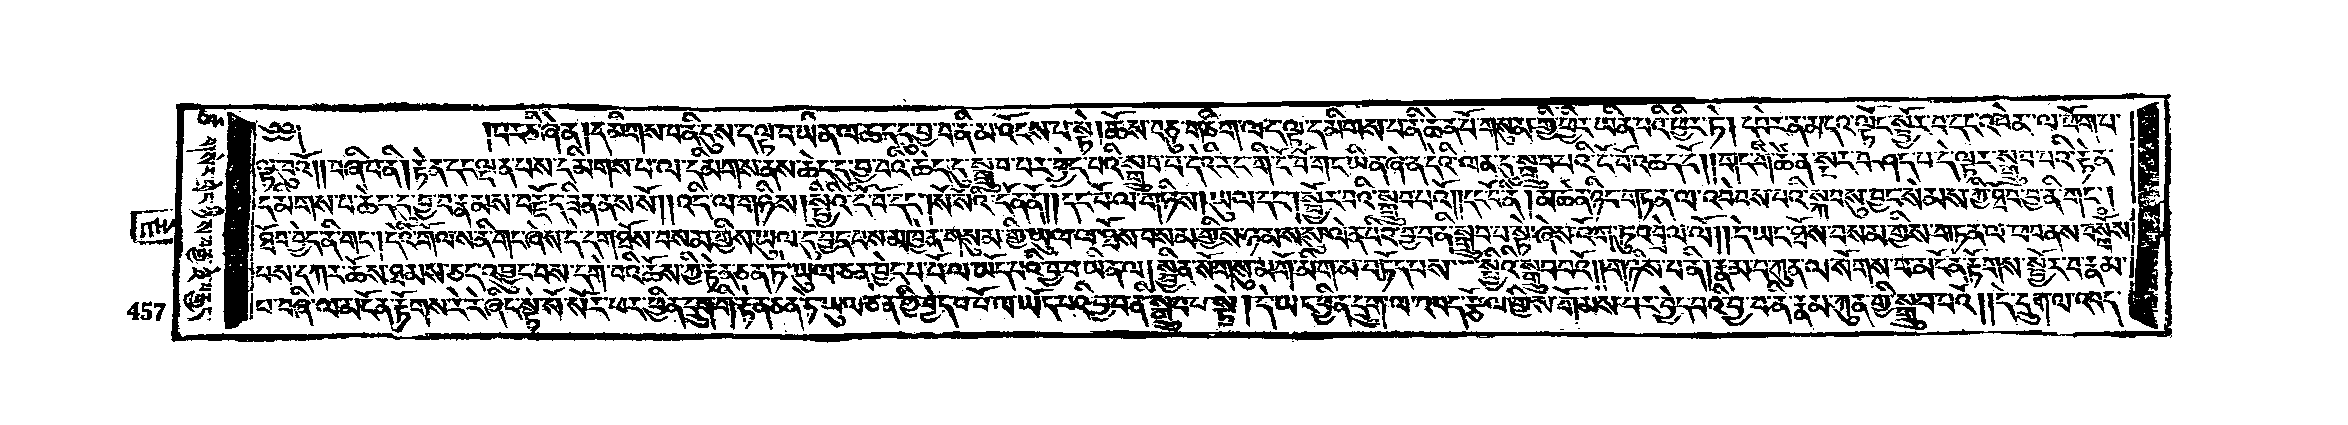༄༅། །པར་ཅི་ཞེ་ན། དམིགས་པ་ནི་དུས་ད་ལྟ་བ་ཡིན་ལ་ཆད་དུ་བྱ་བ་ནི་མ་འོངས་པ་སྟེ། ཆོས་བཅུ་གཅིག་ལ་ད་ལྟ་དམིགས་པ་ནི་ཆེན་པོ་གསུམ་གྱི་ཕྱིར་ཡིན་པའི་ཕྱིར་ཏེ། དཔེར་ན་མདའ་ལྟོང་སྦྱོར་བ་དང་འཕེན་ལ་ཕོག་པ་
ལྟ་བུའོ། །བཞི་པ་ནི། རྟེན་དང་ལྡན་པས་དམིགས་པ་ལ་དམིགས་ནས་ཆེད་དུ་བྱ་བའི་ཆེད་དུ་སྒྲུབ་པར་བྱེད་པའི་སྒྲུབ་པ་དེའི་རང་གི་ངོ་བོ་གང་ཡིན་ཞེ་ན་དེའི་ལན་དུ་སྒྲུབ་པའི་ངོ་བོ་འཆད་དོ། །གང་གི་ཚེ་ན་སྔར་བཤད་པ་དེ་ལྟར་སྒྲུབ་པའི་རྟེན་
དམིགས་པ་ཆེད་དུ་བྱ་བ་རྣམས་བརྗོད་ཟིན་ནས་སོ། །འདི་ལ་གཉིས། སྤྱིའི་ངོ་བོ་དང་། སོ་སོའི་དོན་ནོ། །དང་པོ་ལ་གཉིས། ཡུལ་དང་། སྦྱོར་བའི་སྒྲུབ་པའོ། །དང་པོ་ནི། མཚན་ཉིད་གཏན་ལ་འབེབས་པའི་སྐབས་སུ་བྱང་སེམས་ཀྱི་ཐོབ་བྱ་ནི་གང་།
ཐོབ་བྱེད་ནི་གང་། དེའི་གོལ་ས་ནི་གང་ཞེས་དེ་དག་ཐོས་བསམ་གྱིས་ཡུལ་དུ་བྱེད་པས་མཁྱེན་གསུམ་གྱི་ཡུལ་ལ་ཐོས་བསམ་གྱིས་ཉམས་སུ་ལེན་པའི་བྱ་བ་ནི་སྒྲུབ་པ་སྟེ་ཞེས་འོག་ཏུ་འབྲེལ་ལོ། །དེ་ཡང་ཐོས་བསམ་གྱིས་གཏན་ལ་ཕབ་ནས་བསྒོམས་
པས་དཀར་ཆོས་ཐམས་ཅད་འབྱུང་བས་དགེ་བའི་ཆོས་ཀྱི་རྟེན་ཅན་ཏེ་ཡུལ་ཅན་བྱེད་པ་པོ་ལ་ཡོད་པའི་བྱ་བ་ཡིན་ལ། སྦྱིན་སོགས་སུ་མགོ་མིག་མ་བཏོད་པས་སྤྱིའི་སྒྲུབ་པའོ། །གཉིས་པ་ནི། རྣམ་པ་ཀུན་ལ་སོགས་པ་མངོན་རྟོགས་སྦྱོར་བ་རྣམ་
པ་བཞི་ལ་མངོན་རྟོགས་རེ་རེ་ཞིང་སྟེ་སོ་སོར་ཕར་ཕྱིན་དྲུག་གི་རྟེན་ཅན་ཏེ་ཡུལ་ཅན་གྱི་བྱེད་པ་པོ་ལ་ཡོད་པའི་བྱ་བ་ནི་སྒྲུབ་པ་སྟེ། དེ་ཡང་ཕྱིན་དྲུག་ལ་འབད་རྩོལ་གྱིས་གོམས་པར་བྱེད་པའི་བྱ་བ་ནི་རྣམ་ཀུན་གྱི་སྒྲུབ་པའོ། །དེ་དྲུག་ལ་འབད་